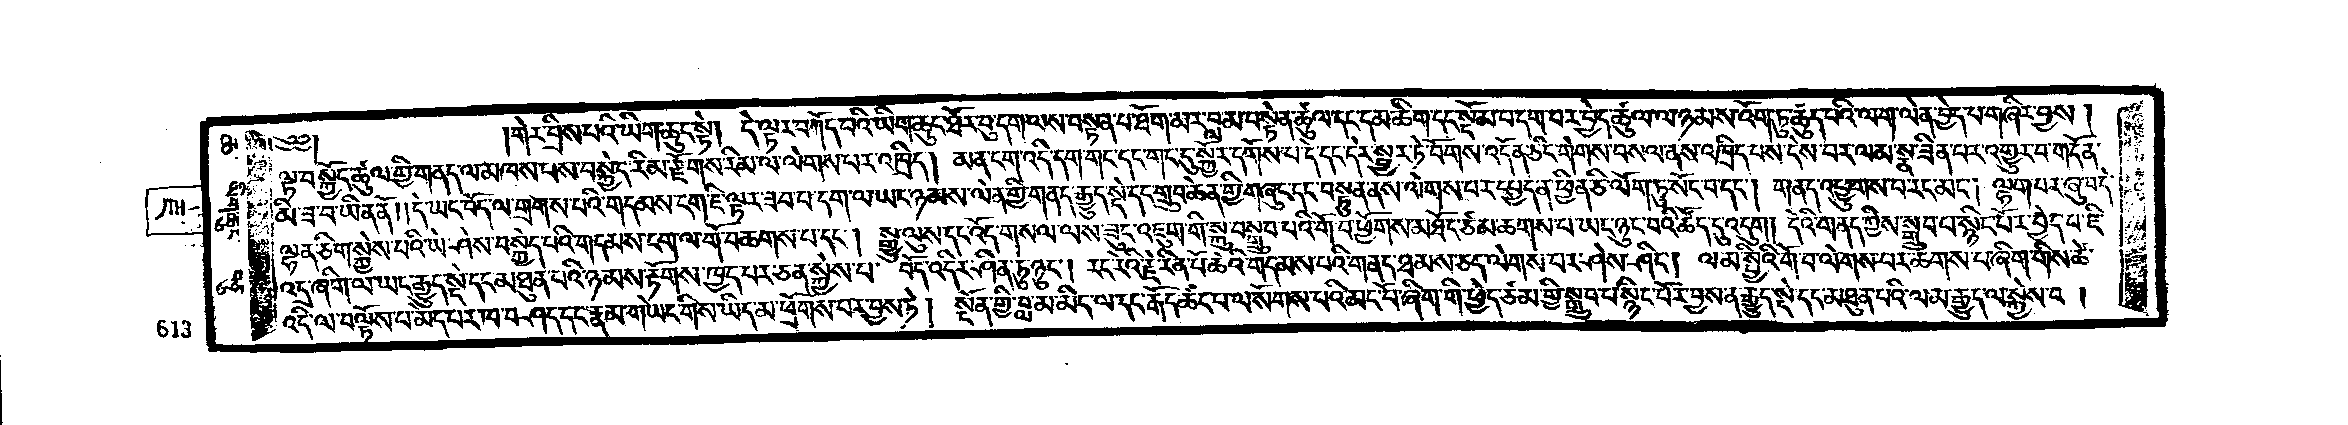༄༅། །གེར་བྲིས་པའི་ཡིག་ཆུང་སྟེ། དེ་ལྟར་བཀོད་པའི་ཡིག་ཆུང་ཐོར་བུ་དག་ལས་བསྟན་པ་ཐོག་མར་བླ་མ་བསྟེན་ཚུལ་དང་དམ་ཚིག་དང་སྡོམ་པ་དག་བར་བྱེད་ཚུལ་ལ་ཉམས་འོག་ཏུ་ཚུད་བའི་ལག་ལེན་བྱེད་པ་གཞིར་བྱས།
ལྟ་བ་སྐྱོད་ཚུལ་གྱི་གནད་ལ་མཁས་པས་བསྐྱེད་རིམ་རྫོགས་རིམ་ལ་ལེགས་པར་འཁྲིད། མན་ངག་འདི་དག་གང་དང་གང་དུ་སྦྱོར་དགོས་པ་དེ་དང་དེར་སྦྱར་ཏེ་བོགས་དོན་ཅིང་གེགས་བསལ་ནས་འཁྲིད་པས་ངེས་པར་ལམ་སྣ་ཟིན་པར་འགྱུར་བ་གདོན་
མི་ཟབ་བ་ཡིན་ནོ། །དེ་ཡང་བོད་ལ་གྲགས་པའི་གདམས་ངག་ཇི་ལྟར་ཟབ་པ་དག་ལ་ཡང་ཉམས་ལེན་གྱི་གནད་རྒྱུད་སྡེ་དང་གྲུབ་ཆེན་གྱི་གཞུང་དང་བསྟུན་ནས་ལེགས་པར་དཔྱད་ན་ཕྱིན་ཅི་ལོག་ཏུ་སོང་བ་དང་། གནད་འཕྱུགས་པ་རང་མང་། ལྷག་པར་ཞུ་བདེ་
ལྷན་ཅིག་སྐྱེས་པའི་ཡེ་ཤེས་བསྐྱེད་པའི་གདམས་ངག་ལ་གོ་བ་ཆགས་པ་དང་། སྒྱུ་ལུས་དང་འོད་གསལ་ལས་ཟུང་འཇུག་གི་སྐུ་བསྒྲུབ་པའི་གོ་བ་ཕྱོགས་མཐོང་ཙམ་ཆགས་པ་ཡང་ཉུང་བའི་ཚོད་དུ་འདུག །དེའི་གནད་ཀྱིས་སྒྲུབ་པ་སྙིང་པོར་བྱེད་པ་ཇི་
འདྲ་ཞིག་ལ་ཡང་རྒྱུད་སྡེ་དང་མཐུན་པའི་ཉམས་རྟོགས་ཁྱད་པར་ཅན་སྐྱེས་པ་བོད་འདིར་ཤིན་ཏུ་ཉུང་། རང་རེའི་རྗེ་རིན་པོ་ཆེའི་གདམས་པའི་གནད་ཐམས་ཅད་ལེགས་པར་ཤེས་ཤིང་། ལམ་སྤྱིའི་གོ་བ་ལེགས་པར་ཆགས་པ་ཞིག་གིས་ཚེ་
འདི་ལ་བལྟོས་པ་མེད་པར་ཁ་བཤད་དང་རྣམ་གཡེང་གིས་ཡིད་མ་ཕྲོགས་པར་བྱས་ཏེ། སྔོན་གྱི་བླ་མ་མིང་ལ་དང་རྒོད་ཚང་པ་ལ་སོགས་པའི་མང་པོ་ཞིག་གི་ཕྱེད་ཙམ་གྱི་སྒྲུབ་པ་སྙིང་པོར་བྱས་ན་རྒྱུད་སྡེ་དང་མཐུན་པའི་ལམ་རྒྱུད་ལ་སྐྱེས་པ།